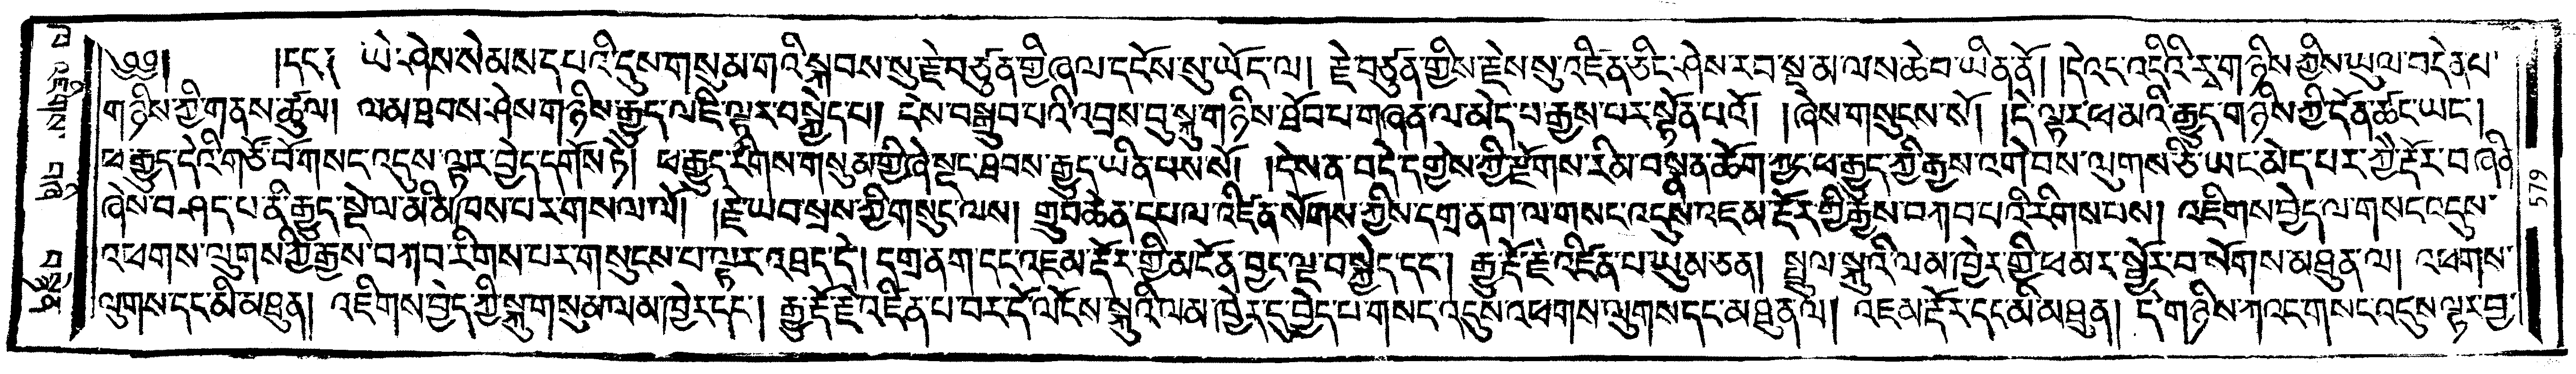༄༅། །དང༑ ཡེ་ཤེས་སེམས་དཔའི་དུས་གསུམ་གའི་སྐབས་སུ་རྗེ་བཙུན་གྱི་ཞལ་དངོས་སུ་ཡོད་ལ། རྗེ་བཙུན་གྱིས་རྗེས་སུ་འཛིན་ཅིང་ཤེས་རབ་སྔ་མ་ལས་ཆེ་བ་ཡིན་ནོ། །དེའང་འདིའི་རྭ་གཉིས་ཀྱིས་ཡུལ་བདེན་པ་
གཉིས་ཀྱི་གནས་ཚུལ། ལམ་ཐབས་ཤེས་གཉིས་རྒྱུད་ལ་ཇི་ལྟར་བསྐྱེད་པ། དེས་བསྒྲུབ་པའི་འབྲས་བུ་སྐུ་གཉིས་ཐོབ་པ་གཞན་ལ་མེད་པ་རྒྱས་པར་སྟོན་པའོ། །ཞེས་གསུངས་སོ། །དེ་ལྟར་ཕ་མའི་རྒྱུད་གཉིས་ཀྱི་དོན་ཚང་ཡང་།
ཕ་རྒྱུད་དེའི་གཙོ་བོ་གསང་འདུས་ལྟར་བྱེད་དགོས་ཏེ། ཕ་རྒྱུད་རིགས་གསུམ་གྱི་ཞེ་སྡང་ཐབས་རྒྱུད་ཡིན་པས་སོ། །དེས་ན་བདེ་དགྱེས་ཀྱི་རྫོགས་རིམ་བསྣན་ཆོག་ཀྱང་ཕ་རྒྱུད་ཀྱི་རྒྱས་འགེབས་ལུགས་ཅི་ཡང་མེད་པར་ཀྱཻ་རྡོར་བཞིན་
ཞེས་བཤད་པ་ནི་རྒྱུད་སྡེ་ལ་མི་མཁས་པར་གསལ་ལོ། །རྗེ་ཡབ་སྲས་ཀྱི་གསུང་ལས། གྲུབ་ཆེན་དཔལ་འཛིན་སོགས་ཀྱིས་དགྲ་ནག་ལ་གསང་འདུས་འཇམ་རྡོར་གྱི་རྒྱས་བཀབ་པའི་རིགས་པས། འཇིགས་བྱེད་ལ་གསང་འདུས་
འཕགས་ལུགས་ཀྱི་རྒྱས་བཀབ་རིགས་པར་གསུངས་པ་ལྟར་འཐད་དེ། དགྲ་ནག་དང་འཇམ་རྡོར་གྱི་མངོན་བྱང་ལྔ་བསྐྱེད་དང་། རྒྱུ་རྡོ་རྗེ་འཛིན་པ་ཡུམ་ཅན། སྤྲུལ་སྐུའི་ལམ་ཁྱེར་གྱི་ཕ་མར་སྦྱོར་བ་སོགས་མཐུན་ལ། འཕགས་
ལུགས་དང་མི་མཐུན། འཇིགས་བྱེད་ཀྱི་སྐུ་གསུམ་ལམ་ཁྱེར་དང་། རྒྱུ་རྡོ་རྗེ་འཛིན་པ་བར་དོ་ལོངས་སྐུའི་ལམ་ཁྱེར་དུ་བྱེད་པ་གསང་འདུས་འཕགས་ལུགས་དང་མཐུན་ལ། འཇམ་རྡོར་དང་མི་མཐུན། དེ་གཉིས་ཀའང་གསང་འདུས་ལྟར་བྱ་